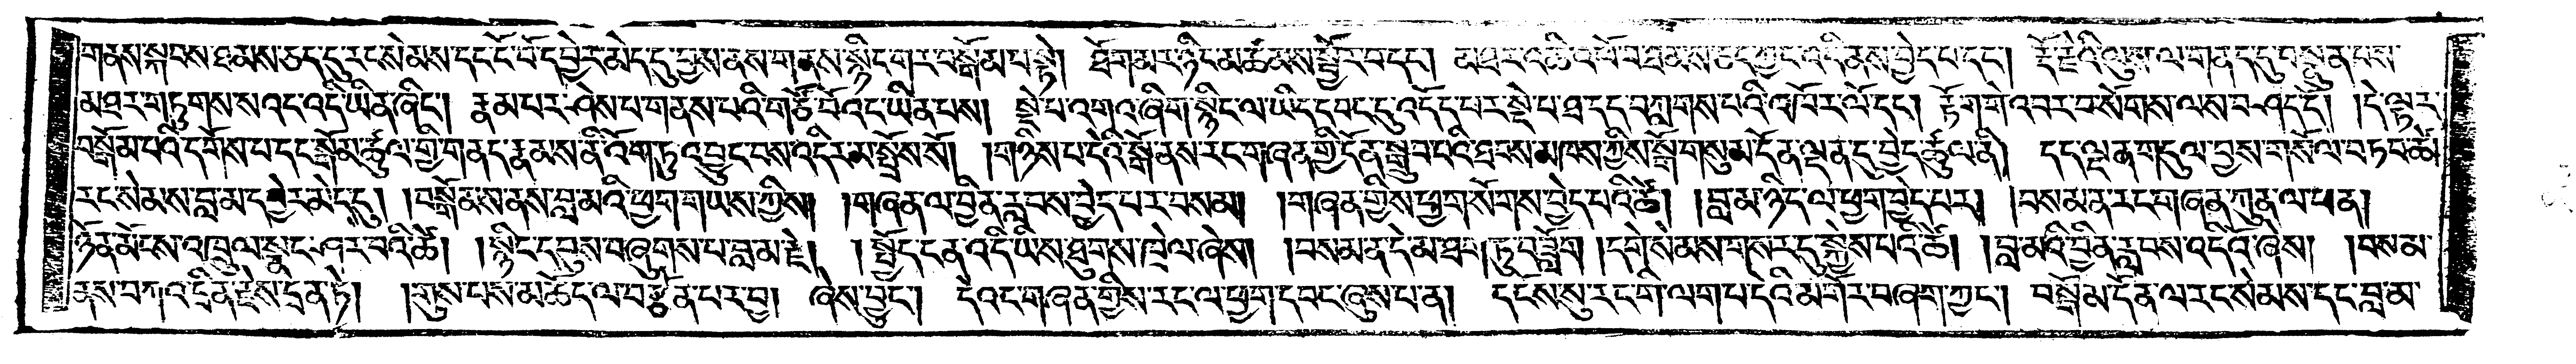གནས་སྐབས་ཐམས་ཅད་དུ་རང་སེམས་དང་ངོ་བོ་དབྱེར་མེད་དུ་བྱས་ནས་གནས་སྙིང་གར་བསྒོམ་པ་སྟེ། ཐོག་མར་ཉིད་མཚམས་སྦྱོར་བ་དང་། མཐར་འཆུ་འཕོ་བ་ཐམས་ཅད་ཀྱང་འདི་ནས་བྱེད་པ་དང་། རྡོ་རྗེའི་ལུས་ལ་གནད་དུ་བསྣུན་པས་
མཐར་གཏུགས་སའང་འདི་ཡིན་ཞིང་། རྣམ་པར་ཤེས་པ་གནས་པའི་གཙོ་བོའང་ཡིན་པས། སྔེ་པ་འགའ་ཞིག་སྙིང་ལ་ཡིད་དབང་དུ་འདོད་པར་སྡེ་པ་ཐ་དད་བཀླུགས་པའི་འཁོར་ལོ་དང་། རྟོག་གེ་འབར་བ་སོགས་ལས་བཤད་དེ། །དེ་ལྟར་
བསྒོམ་པའི་དགོས་པ་དང་སྒོམ་ཚུལ་གྱི་གནད་རྣམས་ནི་འོག་ཏུ་འབྱུང་བས་འདིར་མ་སྤྲོས་སོ། །གཉིས་པ་དེའི་སྒོ་ནས་རང་གཞན་གྱི་དོན་སྒྲུབ་པའི་ཐབས་མཁས་ཀྱིས་སྒོ་གསུམ་དོན་ལྡན་དུ་བྱེད་ཚུལ་ནི། དད་ལྡན་གདུལ་བྱས་གསོལ་བཏང་ཆེ།
རང་སེམས་བླ་མ་དབྱེར་མེད་དུ། །བསྒོམས་ནས་བླ་མའི་ཕྱག་གཡས་ཀྱིས། །གཞན་ལ་བྱིན་རླབས་བྱེད་པར་བསམ། །གཞན་གྱིས་ཕྱག་སོགས་བྱེད་པའི་ཚེ། །བླ་མ་ཉིད་ལ་ཕྱག་བྱེད་པར། །བསམ་ན་རང་གཞན་ཀུན་ལ་ཕན།
ཉོན་མོངས་འཁྲུལ་སྣང་ཤར་བའི་ཚེ། །སྙིང་དབུས་བཞུགས་པ་བླ་མ་རྗེ། །སྤྱོད་ངན་འདི་ཡིས་ཐུགས་ཁྲེལ་ཞེས། །བསམ་ན་དེ་མ་ཐག་ཏུ་བཟློག །དགེ་སེམས་གསར་དུ་སྐྱེས་པའི་ཚེ། །བླ་མའི་བྱིན་རླབས་འདིའི་ཞེས། །བསམ་
ནས་བཀའ་དྲིན་རྗེས་དྲན་ཏེ། །གུས་པས་མཆོད་ལ་བརྩོན་པར་བྱ། ཞེས་བྱུང་། དེའང་གཞན་གྱིས་རང་ལ་ཕྱག་དབང་ཞུས་པ་ན། དངོས་སུ་རང་གི་ལག་པ་དེའི་མགོར་བཞག་ཀྱང་། བསྒོམ་དོན་ལ་རང་སེམས་དང་བླ་མ་